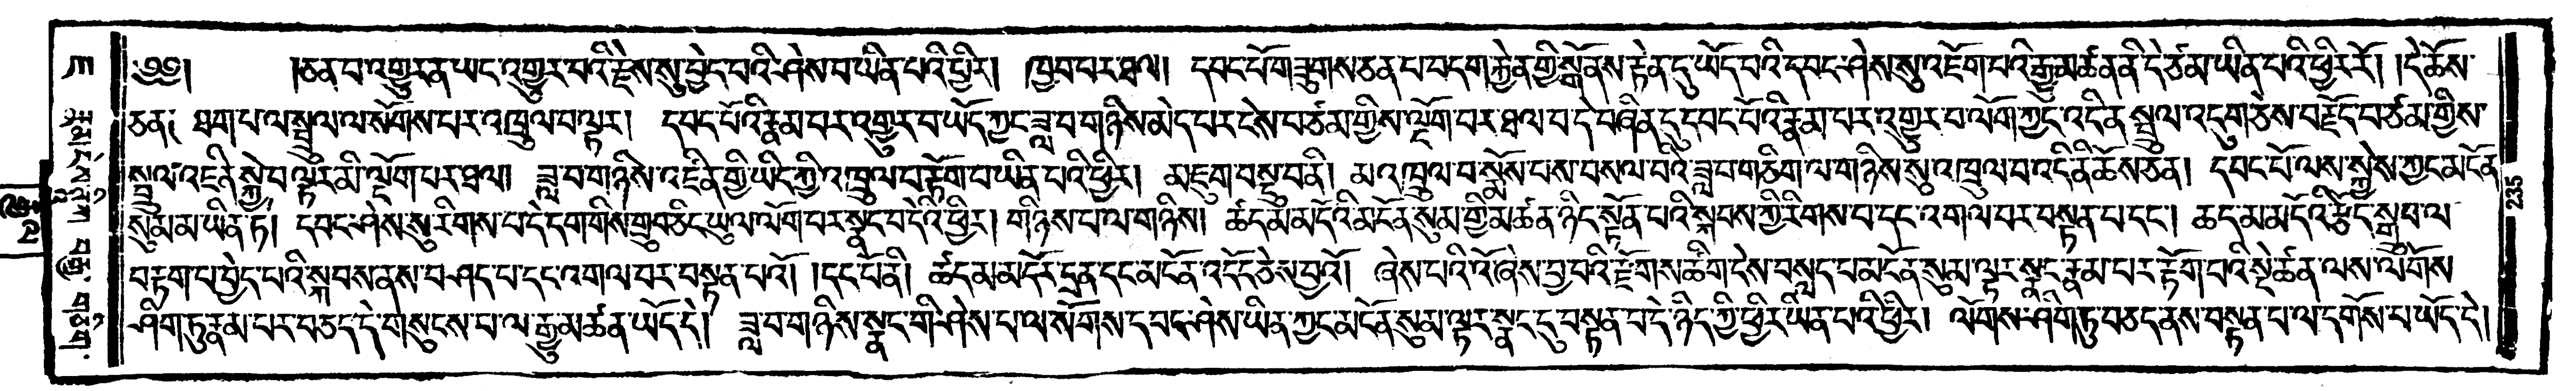༄༅། །ཅན་པ་འགྱུར་ན་ཡང་འགྱུར་བའི་རྗེས་སུ་བྱེད་པའི་ཤེས་པ་ཡིན་པའི་ཕྱིར། ཁྱབ་པར་ཐལ། དབང་པོ་གཟུགས་ཅན་པ་བདག་རྐྱེན་གྱི་སྒོ་ནས་རྟེན་དུ་ཡོད་པའི་དབང་ཤེས་སུ་འཇོག་པའི་རྒྱུ་མཚན་ནི་དེ་ཙམ་ཡིན་པའི་ཕྱིར་རོ། །དེ་ཆོས་
ཅན། ཐག་པ་ལ་སྦྲུལ་ལ་སོགས་པར་འཁྲུལ་བ་ལྟར། དབང་པོའི་རྣམ་པར་འགྱུར་བ་ཡོད་ཀྱང་ཟླ་བ་གཉིས་མེད་པར་ངེས་པ་ཙམ་གྱིས་ལྡོག་པར་ཐལ་བ་དེ་བཞིན་དུ་དབང་པོའི་རྣམ་པར་འགྱུར་བ་ལོག་ཀྱང་འདི་ན་སྦྲུལ་འདུག་ཅེས་བརྗོད་པ་ཙམ་གྱིས་
སྦྲུལ་འཛིན་སྐྱེ་བ་ལྟར་མི་ལྡོག་པར་ཐལ། ཟླ་བ་གཉིས་འཛིན་གྱི་ཡིད་ཀྱི་འཁྲུལ་བ་རྟོག་པ་ཡིན་པའི་ཕྱིར། མཇུག་བསྡུ་བ་ནི། མ་འཁྲུལ་བ་སྨོས་པས་བསལ་བའི་ཟླ་བ་གཅིག་ལ་གཉིས་སུ་འཁྲུལ་བ་འདི་ནི་ཆོས་ཅན། དབང་པོ་ལས་སྐྱེས་ཀྱང་མངོན་
སུམ་མ་ཡིན་ཏེ། དབང་ཤེས་སུ་རིགས་པ་དེ་དག་གིས་གྲུབ་ཅིང་ཡུལ་ལོག་པར་སྣང་བ་དེའི་ཕྱིར། གཉིས་པ་ལ་གཉིས། ཚད་མ་མདོའི་མངོན་སུམ་གྱི་མཚན་ཉིད་སྟོན་པའི་སྐབས་ཀྱི་རིགས་པ་དང་འགལ་བར་བསྟན་པ་དང་། ཚད་མ་མདོའི་རྩོད་སྒྲུབ་ལ་
བརྟག་པ་བྱེད་པའི་སྐབས་ནས་བཤད་པ་དང་འགལ་བར་བསྟན་པའོ། །དང་པོ་ནི། ཚད་མ་མདོར་དྲན་དང་མངོན་འདོད་ཅེས་བྱའོ། ཞེས་པའི་འོ་ཞེས་བྱ་བའི་རྫོགས་ཚིག་དེས་བསླད་པ་མངོན་སུམ་ལྟར་སྣང་རྣམ་པར་རྟོག་པའི་སྡེ་ཚན་ལས་ལོགས་
ཤིག་ཏུ་རྣམ་པར་བཅད་དེ་གསུངས་པ་ལ་རྒྱུ་མཚན་ཡོད་དེ། ཟླ་བ་གཉིས་སྣང་གི་ཤེས་པ་ལ་སོགས་དབང་ཤེས་ཡིན་ཀྱང་མངོན་སུམ་ལྟར་སྣང་དུ་བསྟན་པ་དེ་ཉིད་ཀྱི་ཕྱིར་ཡིན་པའི་ཕྱིར། ལོགས་ཤིག་ཏུ་བཅད་ནས་བསྟན་པ་ལ་དགོས་པ་ཡོད་དེ།